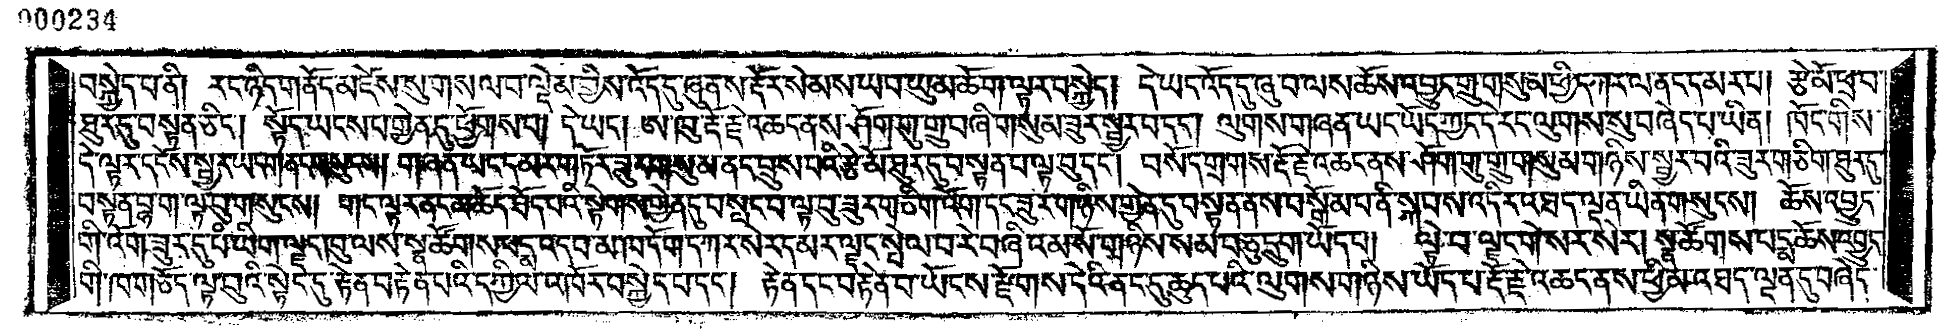བསྐྱེད་པ་ནི། རང་ཉིད་གནོད་མཛེས་སུ་གསལ་བ་ལྡེམ་གྱིས་འོད་དུ་ཞུ་ནས་རྡོར་སེམས་ཡབ་ཡུམ་ཆོག་?་ལྟར་བསྐྱེད། དེ་ཡང་འོད་དུ་ཞུ་བ་ལས་ཆོས་འབྱུང་གྲུ་གསུམ་གྱི་དཀར་ལ་ནང་དམར་པ། རྩེ་མོ་ཕྲ་བ་
ཐུར་དུ་བསྟན་ཅིང་། སྟོད་ཡངས་པ་གྱེན་དུ་ཕྱོགས་པ། དེ་ཡང་། ཨ་ཁུ་རྡོ་རྗེ་འཆང་ནས་ཤོག་གུ་གྲུ་བཞི་གསུམ་ཟུར་སྦྱར་བ་དང་། ལུགས་གཞན་ཡང་ཡོད་ཀྱང་དེ་རང་ལུགས་སུ་བཞེད་པ་ཡིན། ཁོང་གིས་
དེ་ལྟར་དངོས་སྦྱར་ཡང་གནང་གསུངས། གཞན་ཡང་དམར་གཏོར་ཟུར་གསུམ་ནང་བྲུས་པའི་རྩེ་མོ་ཐུར་དུ་བསྟན་པ་ལྟ་བུ་དང་། བསོད་གྲགས་རྡོ་རྗེ་འཆང་ནས་ཤོག་གུ་གྲུ་གསུམ་གཉིས་སྦྱར་བའི་ཟུར་གཅིག་ཐུར་དུ་
བསྟན་བྷ་ག་ལྟ་བུ་གསུངས། གང་ལྟར་ནང་མཆོད་ཐོད་པའི་སྟེགས་གྱེན་དུ་བསླང་བ་ལྟ་བུ་ཟུར་གཅིག་འོག་དང་ཟུར་གཉིས་གྱེན་དུ་བསྟན་ནས་བསྒོམ་པ་ནི་སྐབས་འདིར་འཐད་ལྡན་ཡིན་གསུངས། ཆོས་འབྱུང་
གི་འོག་ཟུར་དུ་པཾ་ཡིག་ལྗང་ཁུ་ལས་སྣ་ཚོགས་པདམ་འདབ་མ་ཁ་དོག་དཀར་སེར་དམར་ལྗང་སྤེལ་བ་རེ་བཞི་འམ་སོ་གཉིས་སམ་བཅུ་དྲུག་ཡོད་པ། ལྟེ་བ་ལྗང་གེ་སར་སེར། སྣ་ཚོགས་པདམ་ཆོས་འབྱུང་
གི་ཁ་གཅོད་ལྟ་བུའི་སྟེང་དུ་རྟེན་བརྟེན་པའི་དཀྱིལ་འཁོར་བསྐྱེད་པ་དང་། རྟེན་དང་བརྟེན་པ་ཡོངས་རྫོགས་དེའི་ནང་དུ་ཆུད་པའི་ལུགས་གཉིས་ཡོད་པ་རྡོ་རྗེ་འཆང་ནས་ཕྱི་མ་འཐད་ལྡན་དུ་བཞེད་